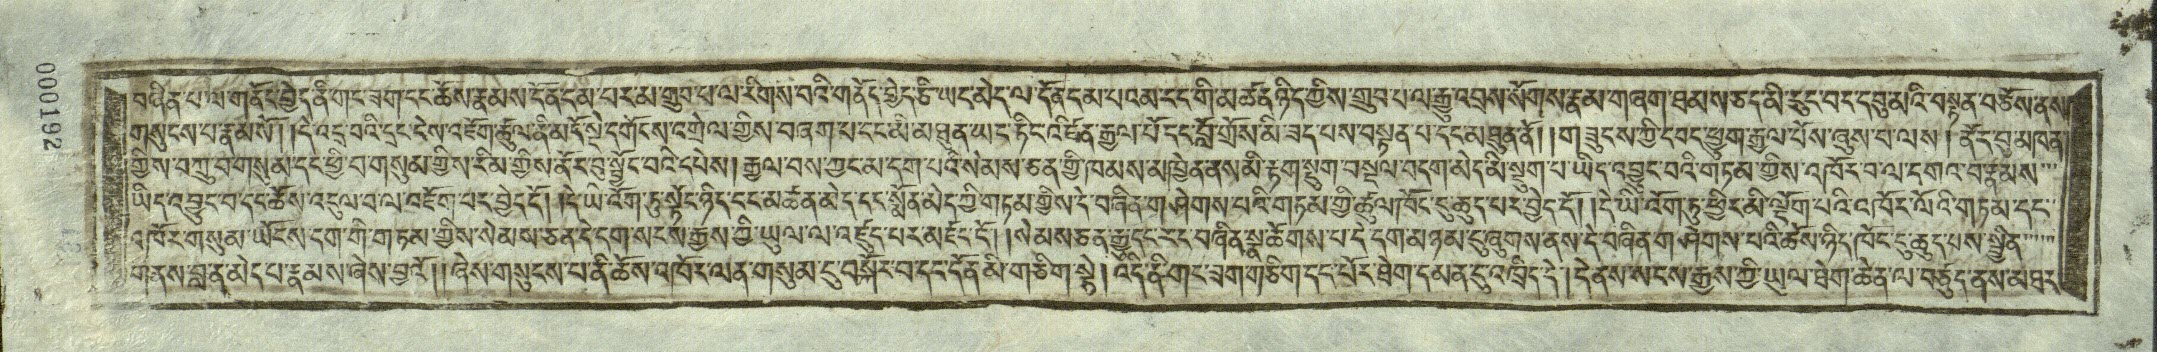བཞིན་པ་ལ་གནོད་བྱེད་ནི་གང་ཟག་དང་ཆོས་རྣམས་དོན་དམ་པར་མ་གྲུབ་པ་ལ་རིགས་པའི་གནད་བྱེད་ཅི་ཡང་མེད་ལ་དོན་དམ་པའམ་རང་གི་མཚན་ཉིད་ཀྱིས་གྲུབ་པ་ལ་རྒྱུ་འབྲས་སོགས་རྣམ་གཞག་ཐམས་ཅད་མི་རུང་བར་དབུ་མའི་བསྟན་བཅོས་ནས་
གསུངས་པ་རྣམས་སོ། །དེ་འདྲ་བའི་དྲང་ངེས་འཇོག་ཚུལ་ནི་མདོ་སྡེ་དགོངས་འགྲེལ་གྱིས་བཞག་པ་དང་མི་མཐུན་ཡང་ཏིང་འཛིན་རྒྱལ་པོ་དང་བློ་གྲོས་མི་ཟད་པས་བསྟན་པ་དང་མཐུན་ནོ། །གཟུངས་ཀྱི་དབང་ཕྱུག་རྒྱལ་པོས་ཞུས་པ་ལས། ནོར་བུ་མཁན་
གྱིས་བཀྲུ་བ་གསུམ་དང་ཕྱི་བ་གསུམ་གྱིས་རིམ་གྱིས་ནོར་བུ་སྦྱོང་བའི་དཔེས། རྒྱལ་བས་ཀྱང་མ་དག་པའི་སེམས་ཅན་གྱི་ཁམས་མཁྱེན་ནས་མི་རྟག་སྡུག་བསྔལ་བདག་མེད་མི་སྡུག་པ་ཡིད་འབྱུང་བའི་གཏམ་གྱིས་འཁོར་བ་ལ་དགའ་བ་རྣམས་
ཡིད་འབྱུང་བ་དང་ཆོས་འདུལ་བ་ལ་འཇོག་པར་བྱེད་དོ། །དེ་ཡི་འོག་ཏུ་སྟོང་ཉིད་དང་མཚན་མེད་དང་སྨོན་མེད་ཀྱི་གཏམ་གྱིས་དེ་བཞིན་གཤེགས་པའི་གཏམ་གྱི་ཚུལ་ཁོང་དུ་ཆུད་པར་བྱེད་དོ། །དེ་ཡི་འོག་ཏུ་ཕྱིར་མི་ལྡོག་པའི་འཁོར་ལོའི་གཏམ་དང་
འཁོར་གསུམ་ཡོངས་དག་གི་གཏམ་གྱིས་སེམས་ཅན་དེ་དག་སངས་རྒྱས་ཀྱི་ཡུལ་ལ་འཛུད་པར་མཛད་དོ། །སེམས་ཅན་རྒྱུ་དང་རང་བཞིན་སྣ་ཚོགས་པ་དེ་དག་མཉམ་དུ་ཞུགས་ནས་དེ་བཞིན་གཤེགས་པའི་ཆོས་ཉིད་ཁོང་དུ་ཆུད་པས་སྦྱིན་
གནས་བླ་ན་མེད་པ་རྣམས་ཞེས་བྱའོ། །ཞེས་གསུངས་པ་ནི་ཆོས་འཁོར་ལན་གསུམ་དུ་བསྐོར་བ་དང་དོན་མི་གཅིག་སྟེ། འདི་ནི་གང་ཟག་གཅིག་དང་པོར་ཐེག་དམན་དུ་འཁྲིད་དེ། དེ་ནས་སངས་རྒྱས་ཀྱི་ཡུལ་ཐེག་ཆེན་ལ་བཙུད་ནས་མཐར་